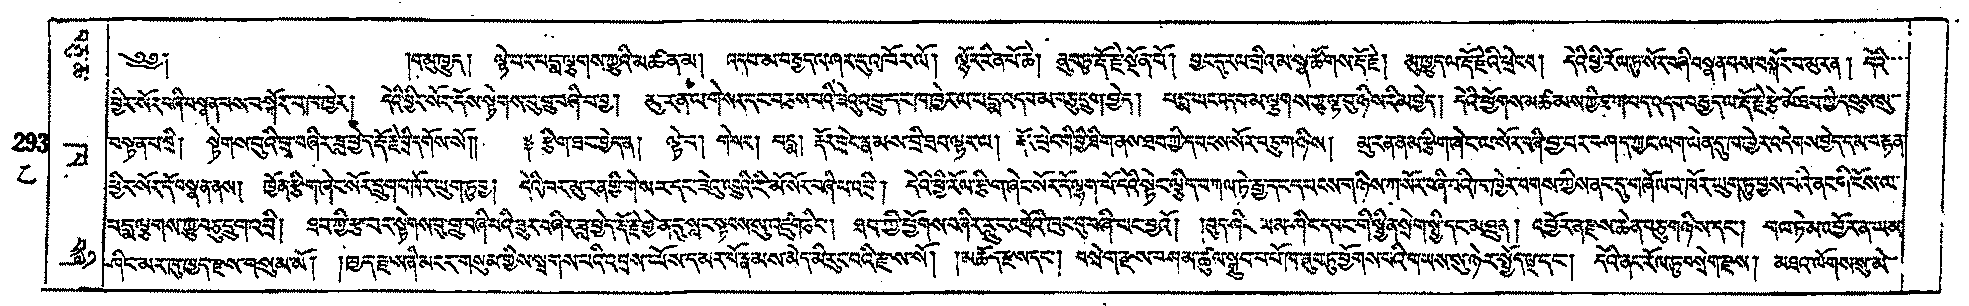༄༅། །བ་མུ་ཁྱུད། ལྟེ་བར་པདམ་ལྕགས་ཀྱུའི་མཚན་མ། འདབ་མ་བརྒྱད་ལ་ཤར་དུ་འཁོར་ལོ། ལྷོར་རིན་པོ་ཆེ། ནུབ་ཏུ་རྡོ་རྗེ་སྔོན་པོ། བྱང་དུ་རལ་གྲིའམ་སྣ་ཚོགས་རྡོ་རྗེ། མུ་ཁྱུད་ལ་རྡོ་རྗེའི་ཕྲེང་བ། དེའི་ཕྱི་རོལ་ཏུ་སོར་བཞི་བསྣན་པས་བསྐོར་བ་མུ་རན། དེའི་་་
ཕྱིར་སོང་བཞི་བསྣན་པས་བསྐོར་བ་ཁ་ཁྱེར། དེའི་ཕྱིར་སོར་དོས་སྟེགས་བུ་གྲུ་བཞི་པ་བྱ། མུ་རན་ལ་གེ་སར་དང་བཅས་པའི་ཟེའུ་འབྲུ་དང་ཁ་ཁྱེར་ལ་པདམ་འདབ་མ་བཅུ་དྲུག་བྱེད། པདམ་ཡང་འདབ་མ་ལྕགས་ཀྱུ་ལྟ་བུ་ཉིས་རིམ་བྱེད། དེའི་ཕྱོགས་མཚམས་ཀྱི་ཐག་པད་འདབ་བརྒྱད་ལ་རྡོ་རྗེ་རྩེ་མོ་ཐབ་ཀྱི་དབུས་སུ་་་
བསྟན་པ་བྲི། སྟེགས་བུའི་གྲྭ་བཞིར་ཟླ་ཕྱེད་རྡོ་རྗེ་བྲི་དགོས་སོ།། ༈ རྩིག་ཐབ་བྱེད་ན། ལྟེ་བ། གེ་སར། པདམ། རྡོར་ཕྲེང་རྣམས་བྲི་ཐབ་ལྟར་ལ། རྡོར་ཕྲེང་གི་ཕྱི་ཐིག་ནས་ཐབ་ཀྱི་དཔངས་སོར་བཅུ་གཉིས། མུ་རན་ནམ་རྩིག་ཞེང་ལ་སོར་བཞི་བྱ་བར་བཤད་ཀྱང་ལག་ལེན་དུ་ཁ་ཁྱེར་འདེགས་བྱེད་དམ་བརྟན་
ཕྱིར་སོར་དོ་བསྣན་ནས། ཁྱོན་རྩིག་ཞེང་སོར་དྲུག་པ་ཁོར་ཡུག་ཏུ་བྱ། དེའི་ཁར་མུ་རན་གྱི་གེ་སར་དང་ཟེའུ་འབྲུའི་རི་མོ་སོར་བཞི་པ་འབྲི། དེའི་ཕྱི་རོལ་རྩིག་ཞེང་སོར་དོ་ལྷག་པོ་དེའི་སྟེང་ལྕིད་བཀལ་ཏེ་རྒྱ་དང་དཔངས་གཉིས་ཀ་སོར་བཞི་པའི་ཁ་ཁྱེར་བགས་ཀྱིས་ནང་དུ་གཞོལ་བ་ཁོར་ཡུག་ཏུ་བྱས་པའི་ནང་གི་ངོས་ལ་
པདམ་ལྕགས་ཀྱུ་བཅུ་དྲུག་འབྲི། ཐབ་ཀྱི་རྩ་བར་སྟེགས་བུ་གྲུ་བཞི་པའི་ཟུར་བཞིར་ཟླ་ཕྱེད་རྡོ་རྗེ་གྱེན་དུ་སླང་སྟབས་སུ་འཛུག་ཅིང་། ཐབ་ཀྱི་ཕྱོགས་བཞིར་རླུང་འགྲོའི་ཁུང་བུ་བཞི་ཡང་བྱའོ། །བུད་ཤིང་ཡམ་ཤིང་དབང་གི་སྦྱིན་སྲེག་སྤྱི་དང་མཐུན། འབྱོར་ན་རྫས་ཆེན་བཅུ་གཉིས་དང་། གལ་ཏེ་མ་འབྱོར་ན་ཡམ་
ཤིང་མར་ཁུ་ཁྱད་རྫས་གསུམ་མོ། །ཁྱད་རྫས་ནི་མངར་གསུམ་གྱིས་སྦགས་པའི་འབྲས་ཡོས་དམར་པོ་རྣམས་མེད་མི་རུང་བའི་རྫས་སོ། །མཆོད་རྫས་དང་། བསྲེག་རྫས་བཤམ་ཚུལ་སྒྲུབ་པ་པོ་ཁ་ནུབ་ཏུ་ཕྱོགས་པའི་གཡས་སུ་ཉེར་སྤྱོད་ལྔ་དང་། དེའི་ནང་རོལ་ཏུ་བསྲེག་རྫས། མཐའ་ལོགས་སུ་མེ་་་